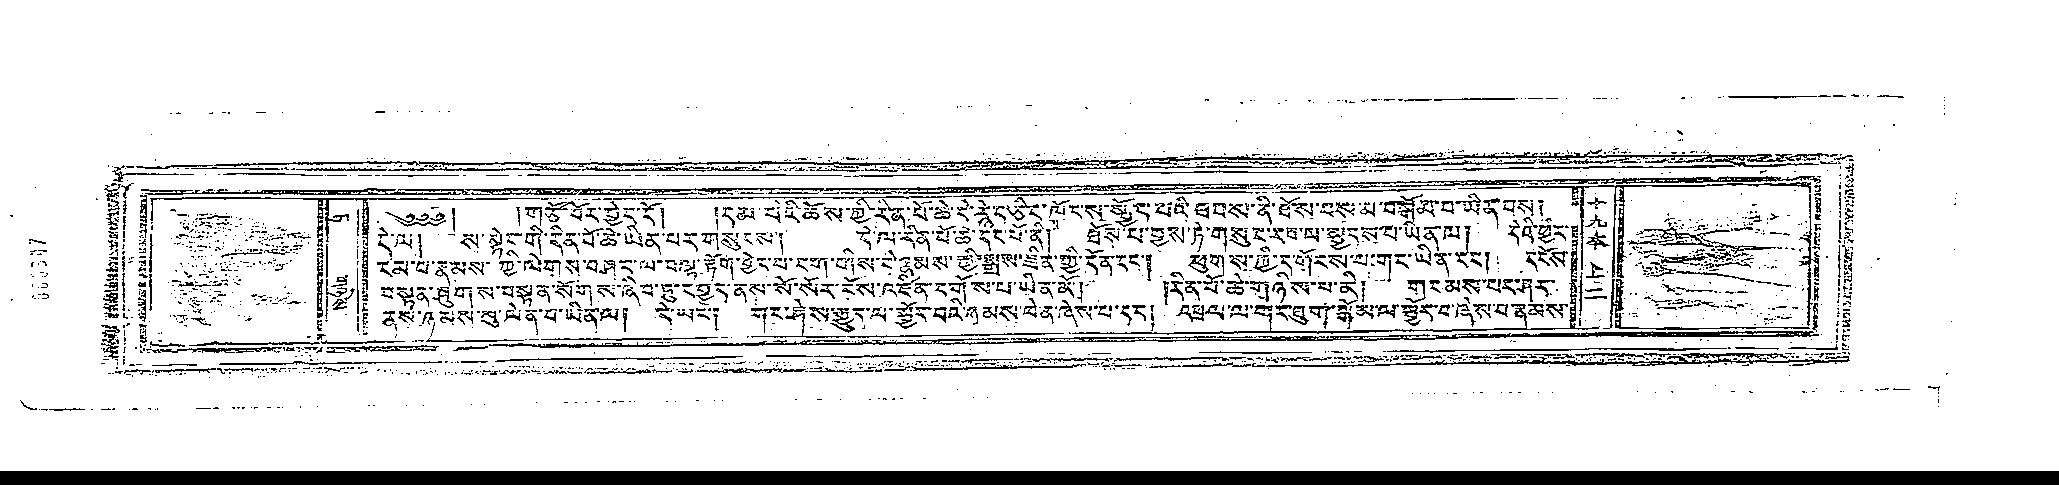༄༅༅། །གཙོ་བོར་བྱེད་དོ། །དམ་པའི་ཆོས་ཀྱི་རིན་པོ་ཆེ་དེ་རྙེད་ཅིང་ལོངས་སྦྱོད་བའི་ཐབས་ནི་ཐོས་བསམ་བསྒོམ་པ་ཡིན་བས།
དེ་ལ། ས་སྟེང་གི་རིན་པོ་ཆེ་ཡིན་པར་གསུངས། དེ་ལ་རིན་པོ་ཆེ་དང་པོ་ནི། ཐོས་པ་བྱས་ཏེ་གསུང་རབ་ལ་སྦྱངས་བ་ཡིན་ལ། དེའི་ཕྱིར་
དམ་བ་རྣམས་ཀྱི་ལེགས་བཤད་ལ་བལྟ་རྟོག་བྱེད་པ་དག་གིས་དེ་རྣམས་ཀྱི་སྒྲས་ཟིན་གྱི་དོན་དང་། ཕུགས་ཀྱི་དགོངས་པ་གང་ཡིན་དང་། དངོས་
བསྟན་ཤུགས་བསྟན་སོགས་ཞིབ་ཏུ་དཔྱད་ནས་སོ་སོར་ངོས་འཛིན་དགོས་པ་ཡིན་ནོ། རིན་པོ་ཆེ་གཉིས་པ་ནི། གདམས་པར་ཤར་
ནས་ཉམས་སུ་ལེན་པ་ཡིན་ལ། དེ་ཡང་། གང་ཤེས་རྒྱུད་ལ་སྦྱོར་བའི་ཉམས་ལེན་ཞེས་པ་དང་། འཕྲལ་ལ་གང་ཐུག་སྒོམ་ལ་སྤྱོད་བ་ཞེས་པ་རྣམས་